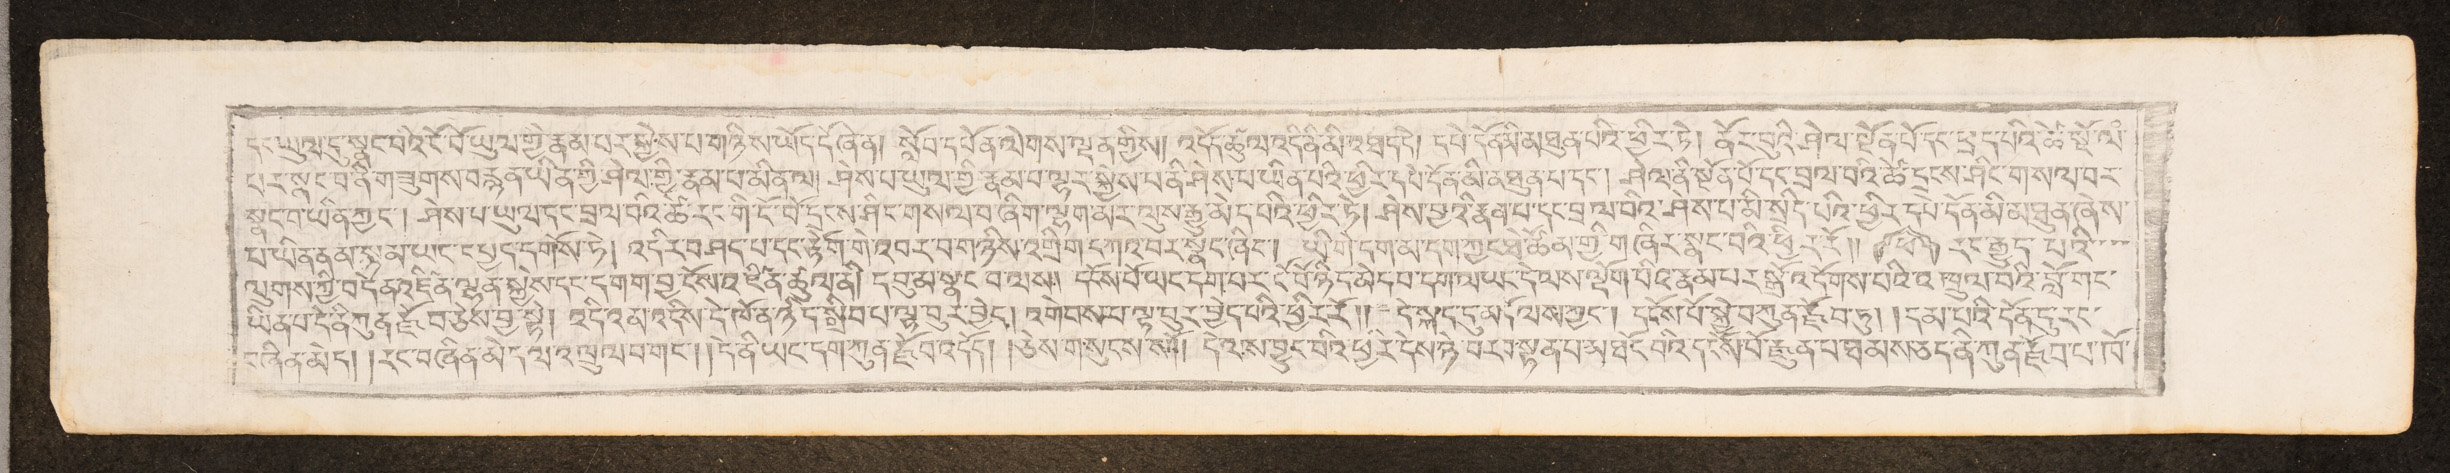དང་ཡུལ་དུ་སྣང་བའི་ངོ་བོ་ཡུལ་གྱི་རྣམ་པར་སྐྱེས་པ་གཉིས་ཡོད་དོ་ཞེ་ན། སློབ་དཔོན་ལེགས་ལྡན་གྱིས། འདོད་ཚུལ་འདི་ནི་མི་འཐད་དེ། དཔེ་དོན་མི་མཐུན་པའི་ཕྱིར་ཏེ། ནོར་བུའི་ཤེལ་སྡོན་པོ་དང་ཕྲད་པའི་ཚེ་སྔོ་ལཾ་
པར་སྣང་བ་ནི་གཟུགས་བརྙན་ཡིན་གྱི་ཤེལ་གྱི་རྣམ་པ་མིན་ལ། ཤེས་པ་ཡུལ་གྱི་རྣམ་པ་ལྟར་སྐྱེས་པ་ནི་ཤེས་པ་ཡིན་པའི་ཕྱིར་དཔེ་དོན་མི་མཐུན་པ་དང་། ཤེལ་ནི་སྔོན་པོ་དང་བྲལ་བའི་ཚེ་དྲངས་ཤིང་གསལ་བར་
སྣང་བ་ཡིན་ཀྱང་། ཤེས་པ་ཡུལ་དང་བྲལ་བའི་ཚེ་རང་གི་ངོ་བོ་དྲངས་ཤིང་གསལ་བ་ཞིག་ལྷག་མར་ལུས་རྒྱུ་མེད་པའི་ཕྱིར་ཏེ། ཤེས་བྱའི་རྣམ་པ་དང་བྲལ་པའི་ཤེས་པ་མི་སྲིད་པའི་ཕྱིར་དཔེ་དོན་མི་མཐུན་ཞེས་
པ་ཡིན་ནམ་སྙམ་ཡང་དཔྱད་དགོས་ཏེ། འདིར་བཤད་པ་དང་རྟོག་གེ་འབར་བ་གཉིས་འགྲིག་དཀའ་བར་སྣང་ཞིང་། ཡི་གེ་དག་མ་དག་ཀྱང་ཐེ་ཚེམ་གྱི་གཞིར་སྣང་བའི་ཕྱིར་རོ།། ༼༽ཕ༼༽ རང་རྒྱུད་པའི་
ལུགས་ཀྱི་བདེན་འཛིན་ལྷན་སྐྱེས་དང་དགག་བྱ་ངོས་འཛིན་ཚུལ་ནི། དབུ་མ་སྣང་བ་ལས། དངོས་པོ་ཡང་དག་པར་ངོ་བོ་ཉིད་མེད་པ་དག་ལ་ཡང་དེ་ལས་ལྡོག་པའི་རྣམ་པར་སྒྲོ་འདོགས་པའི་འཁྲུལ་བའི་བློ་གང་
ཡིན་པ་དེ་ནི་ཀུན་རྫོབ་ཅེས་བྱ་སྟེ། འདི་འམ་འདིས་དེ་ཁོ་ན་ཉིད་སྒྲིབ་པ་ལྟ་བུར་བྱེད། འགེབས་པ་ལྟ་བུར་བྱེད་པའི་ཕྱིར་རོ།། དེ་སྐད་དུ་མདོ་ལས་ཀྱང་། དངོས་པོ་སྐྱེ་བ་ཀུན་རྫོབ་ཏུ། །དམ་པའི་དོན་དུ་རང་
བཞིན་མེད། །རང་བཞིན་མེད་ལ་འཁྲུལ་བ་གང་། །དེ་ནི་ཡང་དག་ཀུན་རྫོབ་འདོད། །ཅེས་གསུངས་སོ།། དེ་ལས་བྱུང་བའི་ཕྱིར་དེས་ཉེ་བར་བསྟན་པ་མཐོང་བའི་དངོས་པོ་རྫུན་པ་ཐམས་ཅད་ནི་ཀུན་རྫོབ་པ་ཁོ་